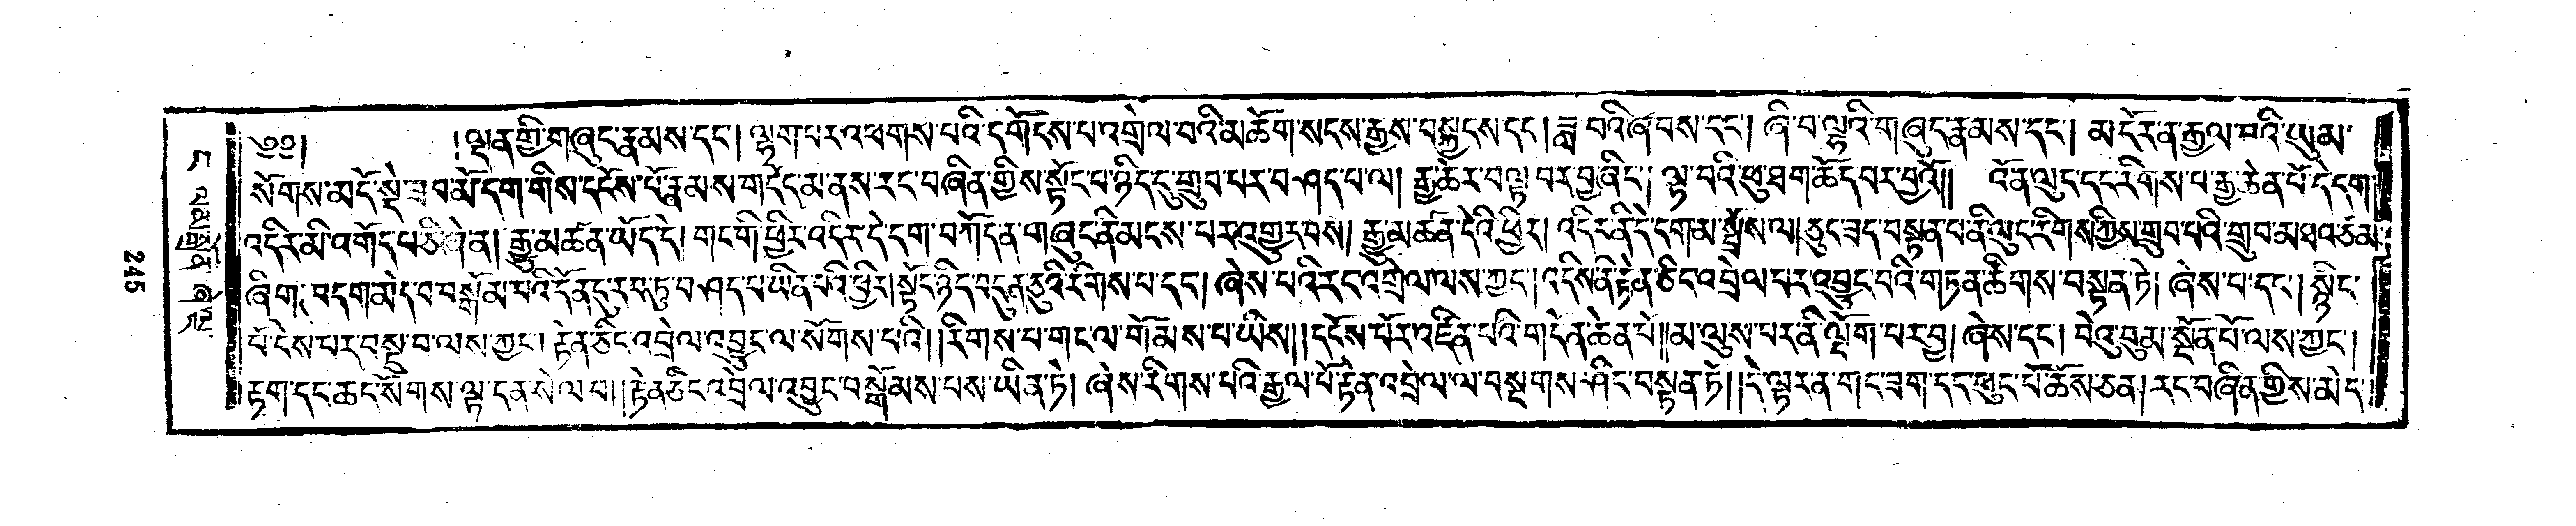༄༅། །ལྡན་གྱི་གཞུང་རྣམས་དང་། ལྷག་པར་འཕགས་པའི་དགོངས་པ་འགྲེལ་བའི་མཆོག་སངས་རྒྱས་བསྐྱངས་དང་། ཟླ་བའི་ཞབས་དང་། ཞི་བ་ལྷའི་གཞུང་རྣམས་དང་། མདོར་ན་རྒྱལ་བའི་ཡུམ་
སོགས་མདོ་སྡེ་ཟབ་མོ་དག་གིས་དངོས་པོ་རྣམས་གདོད་མ་ནས་རང་བཞིན་གྱིས་སྟོང་པ་ཉིད་དུ་གྲུབ་པར་བཤད་པ་ལ། རྒྱ་ཆེར་བལྟ་བར་བྱ་ཞིང་། ལྟ་བའི་ཕུ་ཐག་ཆོད་པར་བྱའོ། །འོ་ན་ལུང་དང་རིགས་པ་རྒྱ་ཆེན་པོ་དེ་དག་
འདིར་མི་འགོད་པ་ཅི་ཞེ་ན། རྒྱུ་མཚན་ཡོད་དེ། གང་གི་ཕྱིར་འདིར་དེ་དག་བཀོད་ན་གཞུང་ནི་མངས་པར་འགྱུར་བས། རྒྱུ་མཚན་དེའི་ཕྱིར། འདིར་ནི་དེ་དག་མ་སྤྲོས་ལ། ཅུང་ཟད་བསྟན་པ་ནི་ལུང་རིགས་ཀྱིས་གྲུབ་པའི་གྲུབ་མཐའ་ཙམ་
ཞིག །བདག་མེད་པ་བསྒོམ་པའི་དོན་དུ་རབ་ཏུ་བཤད་པ་ཡིན་པའི་ཕྱིར། སྟོང་ཉིད་བདུན་ཅུའི་རིགས་པ་དང་། ཞེས་པའི་རང་འགྲེལ་ལས་ཀྱང་། འདིས་ནི་རྟེན་ཅིང་འབྲེལ་པར་འབྱུང་བའི་གཏན་ཚིགས་བསྟན་ཏེ། ཞེས་པ་དང་། སྙིང་
པོ་ངེས་པར་བསྡུ་བ་ལས་ཀྱང་། རྟེན་ཅིང་འབྲེལ་འབྱུང་ལ་སོགས་པའི། །རིགས་པ་གང་ལ་གོམས་པ་ཡིས། །དངོས་པོར་འཛིན་པའི་གདོན་ཆེན་པོ། །མ་ལུས་པར་ནི་ལྡོག་པར་བྱ། ཞེས་དང་། བེའུ་བུམ་སྔོན་པོ་ལས་ཀྱང་།
རྟག་དང་ཆད་སོགས་ལྟ་ངན་སེལ་བ། །རྟེན་ཅིང་འབྲེལ་འབྱུང་བསྒོམས་པས་ཡིན་ཏེ། ཞེས་རིགས་པའི་རྒྱལ་པོ་རྟེན་འབྲེལ་ལ་བསྔགས་ཤིང་བསྟན་ཏོ། །དེ་ལྟར་ན་གང་ཟག་དང་ཕུང་པོ་ཆོས་ཅན། རང་བཞིན་གྱིས་མེད་